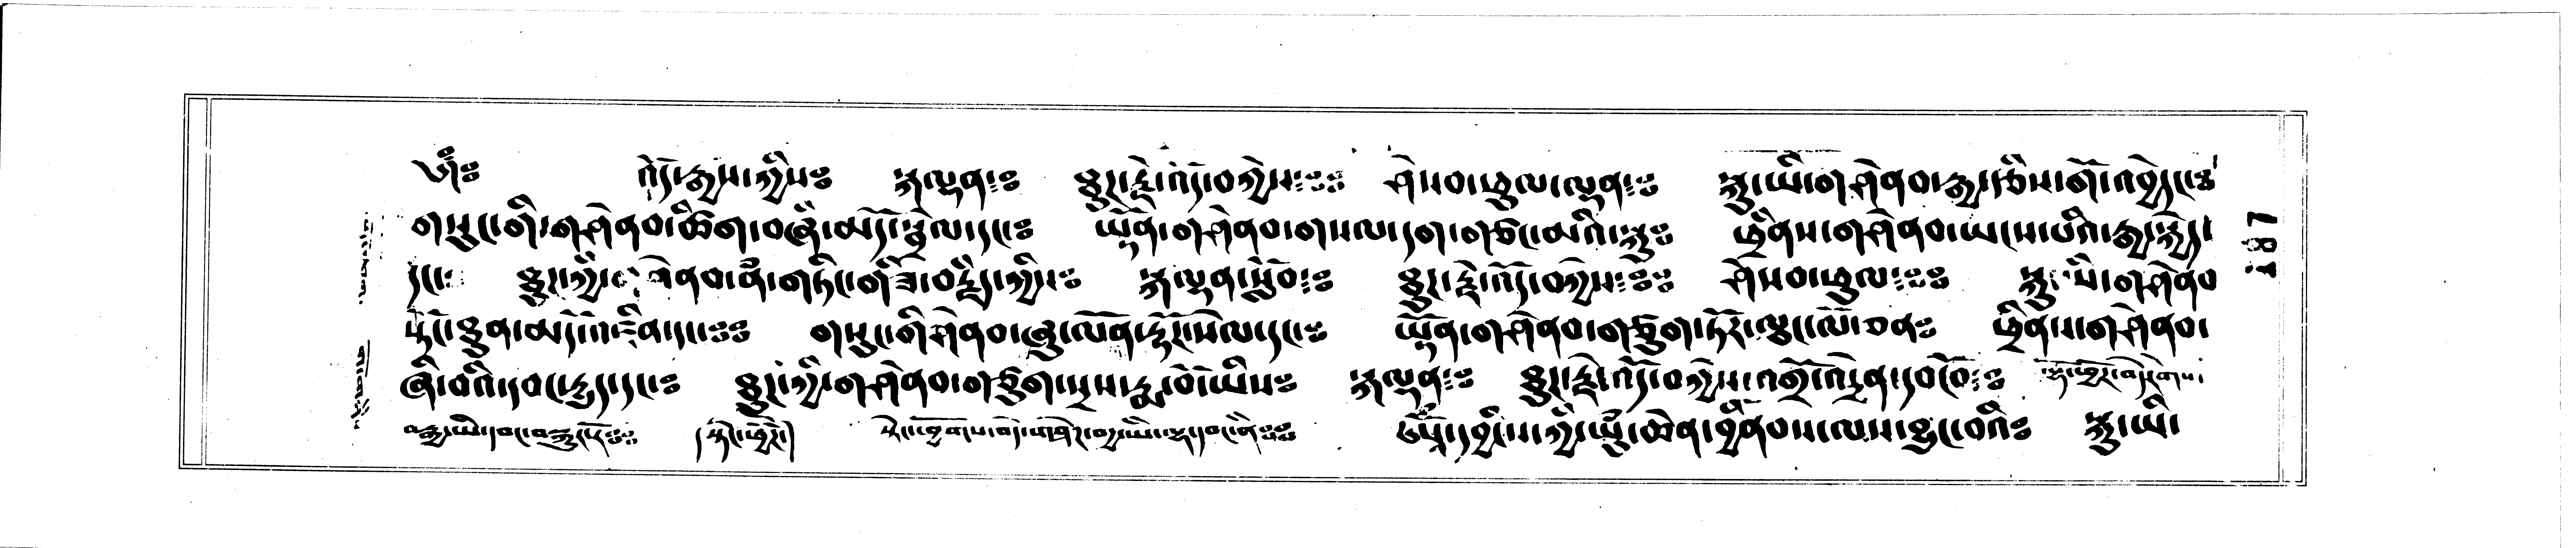འོད་རྒྱས་ཀྱིསཿ སྐལ་ལྡན་སློབ་མ་རྣམས་ལ་དབང་བསྐུར་བསཿ ཐུགས་རྗེ་འོད་བཀྱེས་འགྲོ་འདྲེན་དབང་ཐོབ་ཤོགཿ ཤེས་རབ་ཕུལ་ལྡན་གཤེན་རབ་འོད་ཟེར་ལསཿ སྐུ་ཡི་གཤེན་རབ་རྒྱ་རྩིས་གོ་འབྱེད་དངཿ
 གསུང་གི་གཤེན་རབ་ཚིག་བཞི་མདོ་སྦྲེལ་དངཿ ཡོན་ཏན་གཤེན་རབ་གསལ་དག་གཙང་མའི་སྐུཿ ཕྲིན་ལས་གཤེན་རབ་ཡངས་པའི་རྒྱ་སྐྱེད་
དངཿ ཐུགས་ཀྱི་གཤེན་རབ་ནམ་ཏིང་གཟི་བརྗིད་ཀྱིསཿ སྐལ་ལྡན་སློབ་མ་རྣམས་ལ་དབང་བསྐུར་བསཿ ཐུགས་རྗེ་འོད་བཀྱེས་འགྲོ་འདྲེན་དབང་ཐོབ་ཤོགཿ ཤེས་རབ་ཕུལ་ལྡན་གཤེན་རབ་འོད་ཟེར་ལསཿ སྐུ་ཡི་གཤེན་རབ་
སྟོང་ཐུན་མདོ་འཛིན་དངཿ གསུང་གི་གཤེན་རབ་ཞུ་ལོན་རྟོག་སེལ་དངཿ ཡོན་ཏན་གྱི་གཤེན་རབ་གཙུག་ཏོར་ལྕང་ལོ་ཅན་དངཿ ཕྲིན་ལས་ཀྱི་གཤེན་རབ་
ཞི་བའི་དབང་རྒྱུད་དངཿ ཐུགས་ཀྱི་གཤེན་རབ་གཙུག་སྲས་རྨ་བོ་ཡིསཿ སྐལ་ལྡན་སློབ་མ་རྣམས་ལ་དབང་བསྐུར་བསཿ ཐུགས་རྗེ་འོད་བཀྱེས་འགྲོ་འདྲེན་དབང་ཐོབ་ཤོགཿ ལྷོ་ཕྱོགས་བདེར་གཤེགས་
བརྒྱ་ཡི་དབང་བསྐུར་རོཿ ༼སྟེང་༽སྟེང་ཕྱོགས་བདེར་གཤེགས་བརྒྱ་ཡི་ལྷ་དབང་ནིཿ ཨཱོྃཿ དབྱིངས་ཀྱི་ཡུམ་ཆེན་བྱིན་རླབས་ལས་བྱུང་བའིཿ སྐུ་ཡི་